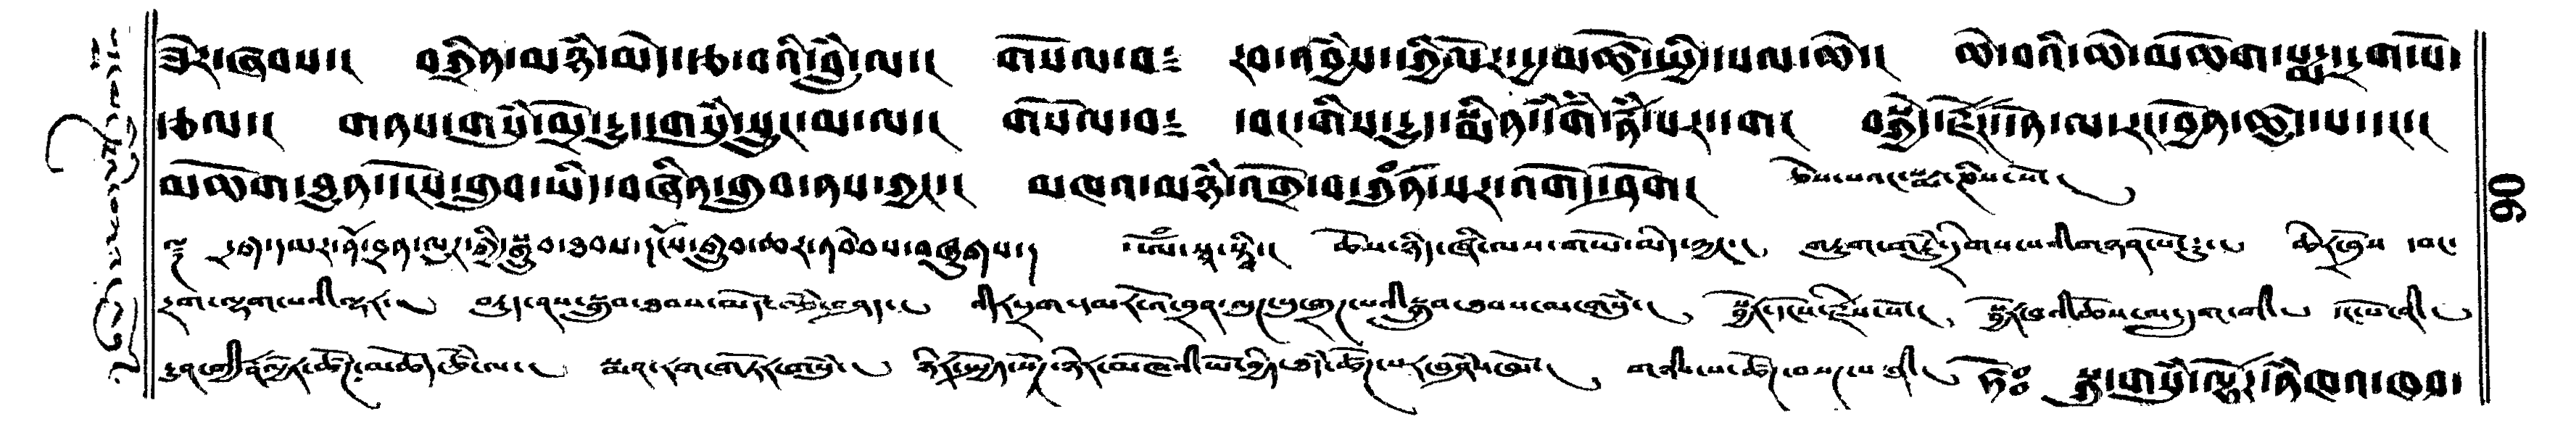ཟེར་ཞབས།། བཀའ་དྲིན་མཉམ་མེད་རྩ་བའི་བླ་མ་ལ།། གསོལ་བ༴ རབ་འབྱམས་དཀྱིལ་འཁོར་རྒྱ་མཚོའི་སྤྱིད་པལ་ཆེ།། ཆེ་བའི་ཆེ་མཆོག་པདྨ་དྲག་པོ་
རྩལ།། གནས་གསུམ་མཁའ་འགྲོ་རྒྱུད་གསུམ་སྲུང་མ་ལ། །གསོལ་བ༴ དབང་གིས་རྒྱུད་སྨིན་དམ་ཚིག་རྣམ་པར་དག །བསྐྱེད་རྫོགས་དོན་ལ་རང་བྱན་ཚུད་པ་དང་། །
མཆོག་ཐུན་དངོས་གྲུབ་ཡིད་བཞིན་འགྲུབ་ནས་ཀྱང་།། མཁའ་མཉམ་འགྲོ་བ་ཀུན་བཟང་སར་འགོད་ཤོག། ཅེས་པའང་པདྨ་མ་ཎིས་སོ།། 
༄། དྲག་དམར་འོ་བྲན་ལུགས་ཀྱི་སྒྲུབ་ཐབས་དངོས་གྲུབ་ཆར་འབེབས་བཞུགས། ཨོཾ་སྭསྟྭི། ཆོས་ཉིད་ཞི་ལས་གཡོ་མེད་ཀྱང་།། དྲག་གཏུམ་དྲེགས་པའི་གཉན་པོ་རུ། །ཆེར་ཁྲོས་དབང་
དྲག་ལྷག་པའི་ལྷར། །བཏུད་ནས་སྒྲུབ་ཐབས་མདོ་ཙམ་བཤད། །འདིར་དྲག་དམར་འོ་བྲན་ལུགས་སུ་གྲགས་པའི་སྒྲུབ་ཐབས་ལ་གསུམ། སྦྱོར་དངོས་རྗེས་སོ། སྦྱོར་བའི་ཆོས་ལ་དྲུག་གི་དང་པོ་ནི། 
རྒྱུན་གྱི་རྣལ་འབྱོར་ཚོགས་མཆོད་ཙམ་ལ། སྨན་རག་གཏོར་གསུམ། ཉེར་སྤྱོད་སོགས་ཉེར་མཁོའི་ཡོ་བྱད་ཐམས་ཅད་ཚོགས་པར་བཤམ་མོ། གཉིས་པ་ཚོགས་བསགས་པ་ནི། ཧོ༔ སྐུ་གསུམ་ལྷ་ཚོགས་ནམ་མཁའ་ཁྱབ་